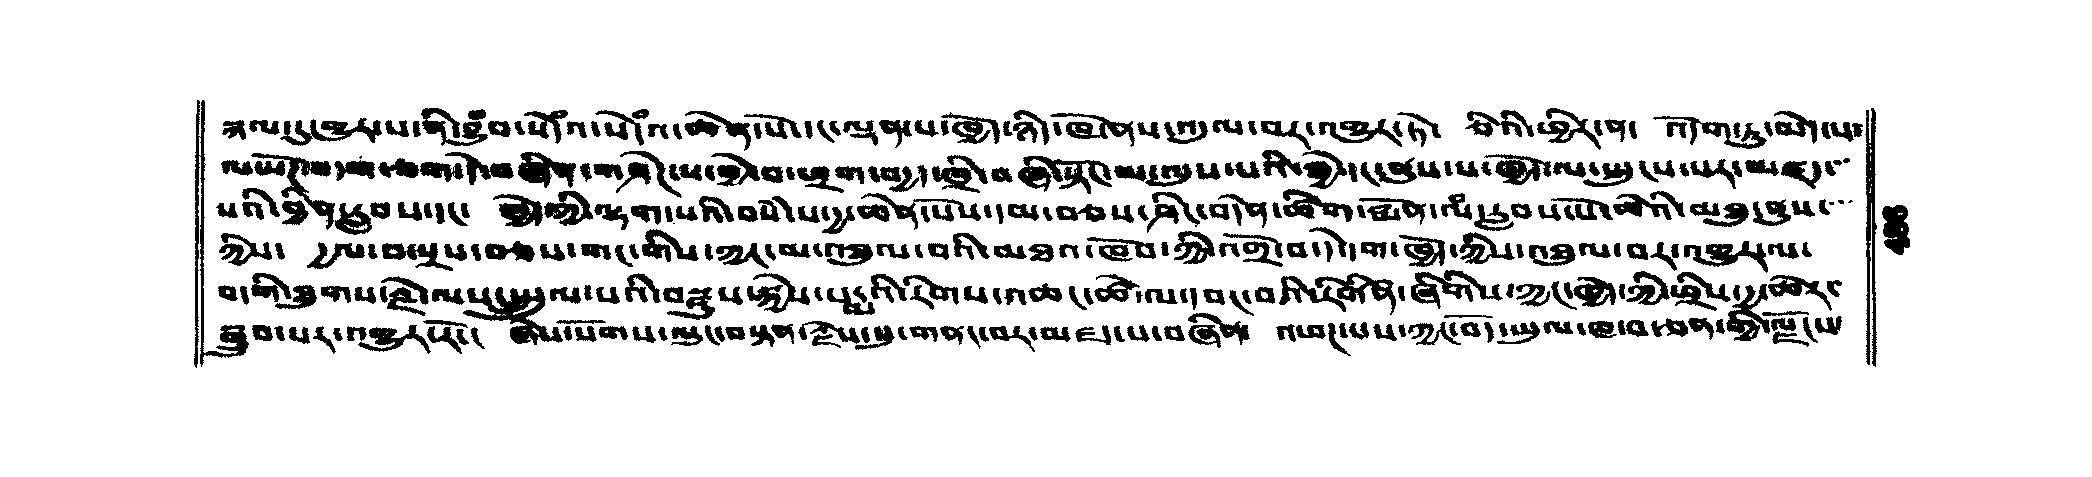སྐལ་དུ་གྱུར་པ་ནི་བྱང་ཆུབ་སེམས་དཔའ་སེམས་དཔའ་ཆེན་པོ་དང་ལྡན་པ་ཁྱོད་ཉིད་ཁོ་ནས་འདུལ་བར་འགྱུར་ཏེ། ཅིའི་ཕྱིར་ན་འོད་དཔག་ཏུ་མེད་པ་
ལ་སོགས་བདག་ཅག་དེ་བཞིན་གཤེགས་པ་བྱེ་བ་ཕྲག་བརྒྱད་ཁྲི་བཞི་སྟོང་མ་ལུས་པའི་ཐུགས་རྗེ་དང་ནུས་པ་ཁྱོད་ལ་སྤུངས་པར་མཛད་
པའི་བྱིན་རླབས་དང་། ཁྱོད་ཀྱི་ལྷག་པའི་བསམ་པ་རྒྱ་ཆེན་པོས་དམ་བཅས་ཤིང་བདེན་ཚིག་སྨོན་ལམ་རླབས་པོ་ཆེའི་མཐུ་ནུས་
ཀྱིས།རྒྱལ་བ་སྲས་བཅས་གང་གིས་ཀྱང་མ་འཐུལ་བའི་མཐའ་འཁོབ་ཀྱི་འགྲོ་བ་དེ་དག་ཁྱོད་ཀྱིས་འཐུལ་བར་འགྱུར་ལ། 
བདག་གི་ཐུགས་རྗེ་ལས་སྤྲུལ་པའི་རྫུས་སྐྱེས་པདྨའི་རིགས་འཆང་ཚེ་ལ་དབང་བའི་རིག་འཛིན་ཞིག་གིས་ཀྱང་ཁྱོད་ཀྱི་ཕྲིན་ལས་རྒྱ་ཆེར་
སྒྲུབ་པར་འགྱུར་རོ། ཞེས་སོགས་ལུང་བསྟན་རྗེས་སུ་གནང་བར་མཛད་པ་བཞིན། འཕགས་པས་ཀྱང་བོད་ཡུལ་ཁ་བ་ཅན་གྱི་ལྗོངས་